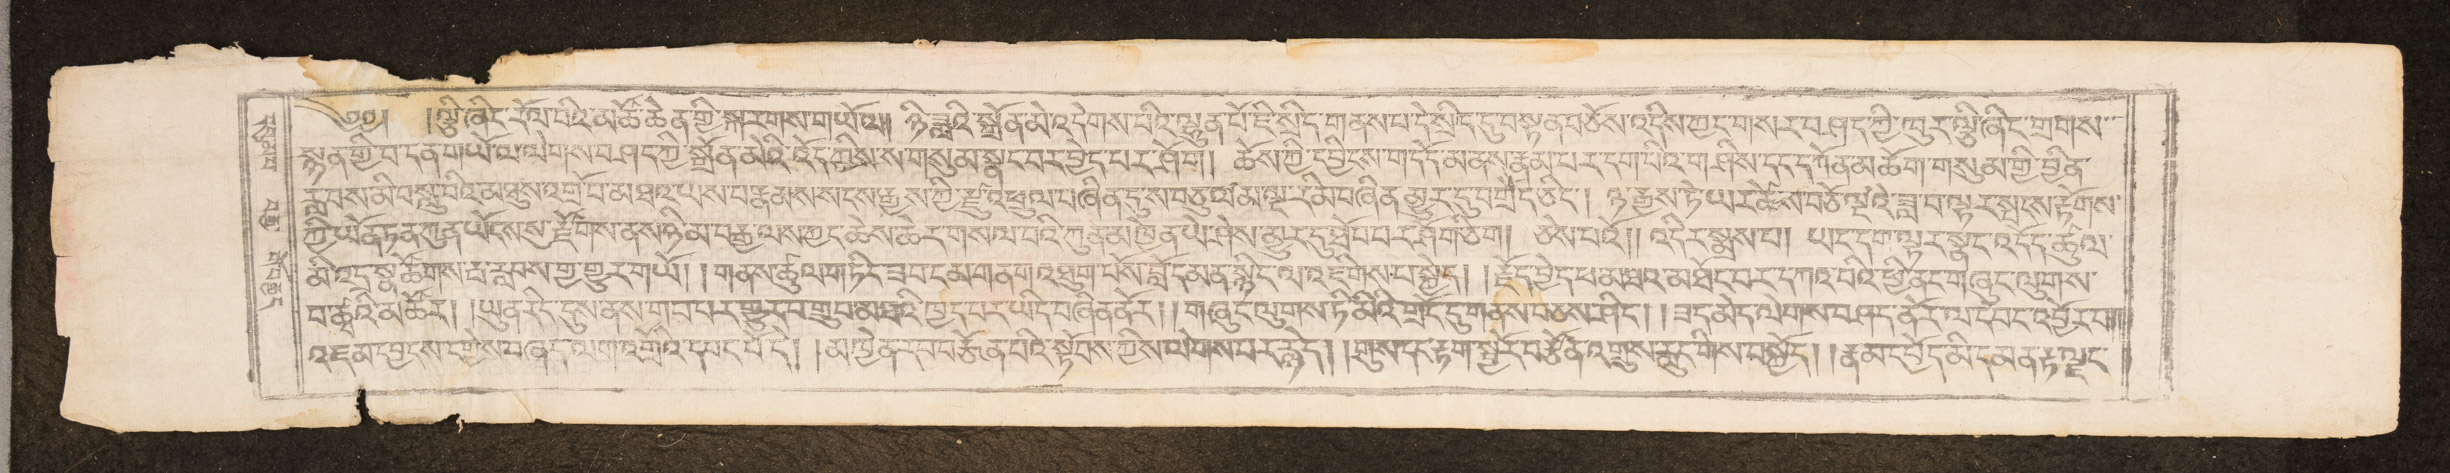༄༅། །ལྕི་ཞིང་རོལ་བའི་མཚོ་ཆེན་གྱི་སྐ་རགས་གཡོ་ལ། ཉི་ཟླའི་སྒྲོན་མེ་འདེགས་པའི་ལྷུན་པོ་ཇི་སྲིད་གནས་པ་དེ་སྲིད་དུ་བསྟན་བཅོས་འདིས་ཀྱང་གསར་བཤད་ཀྱི་ཁུར་ལྕི་ཞིང་གྲགས་
སྙན་གྱི་བ་དན་གཡོ་ལ་ལེགས་བཤད་ཀྱི་སྒྲོན་མེའི་འོད་ཀྱིས་ས་གསུམ་སྣང་བར་བྱེད་པར་ཤོག །ཆོས་ཀྱི་དབྱིངས་གདོད་མ་ནས་རྣམ་པར་དག་པའི་གཤིས་དང་དཀོན་མཆོག་གསུམ་གྱི་བྱིན་
རླབས་མི་བསླུ་བའི་མཐུས་འགྲོ་བ་མཐའ་ཡས་པ་རྣམས་སངས་རྒྱས་ཀྱི་རྫུ་འཕྲུལ་བཞིན་དུ་ས་བཅུ་ལམ་ལྔ་རིམ་བཞིན་མྱུར་དུ་བགྲོད་ཅིང་། ཉ་རྒྱས་ཏེ་ཡར་ཚེས་བཅོ་ལྔའི་ཟླ་བ་ལྟར་སྤངས་རྟོགས་
ཀྱི་ཡོན་ཏན་ཀུན་ཡོངས་སུ་རྫོགས་ནས་ཉི་མ་བརྒྱ་ལས་ཀྱང་ཆེས་ཆེར་གསལ་བའི་ཀུན་མཁྱེན་ཡེ་ཤེས་མྱུར་དུ་ཐོབ་པར་ཤོག་ཅིག །ཅེས་པའོ། །འདིར་སྨྲས་པ། ཡང་དག་ལྟར་སྣང་འདོད་ཚུལ་
མི་འདྲ་སྣ་ཚོགས་རྦ་རླབས་གྱ་གྱུར་གཡོ། །གནས་ཚུལ་གཏིང་ཟབ་དམ་གནག་འཐུག་པོས་བློ་དམན་སྙིང་ལ་འཇིགས་པ་སྐྱེད། །རྗོད་བྱེད་ཕ་མཐའ་མཐོང་བར་དཀའ་བའི་ཕྱི་ནང་གཞུང་ལུགས་
བ་ཚྭའི་མཚོར། །ཡུན་རིང་དུས་ནས་གབ་པར་གྱུར་བ་གྲུབ་མཐའི་ཁྱད་པར་ཡིད་བཞིན་ནོར། །གཞུང་ལུགས་ཏི་མིའི་གྲོང་དུ་གནས་བཅས་ཤིང་། །ཟད་མེད་ལེགས་བཤད་ནོར་ལ་དབང་འབྱོར་བ། །
འཇམ་དབྱངས་དགྱེས་བཞད་ལག་འགྲོའི་དབང་པོ་དེ། །མཁྱེན་རབ་བརྩོན་པའི་སྟོབས་ཀྱིས་ལེགས་པར་རྙེད། །གུས་དང་རྟག་སྦྱོར་བརྩོན་འགྲུས་རླུང་གིས་བསྐྱོད། །རྣམ་དཔྱོད་མི་དམན་རྟ་ལྗང་